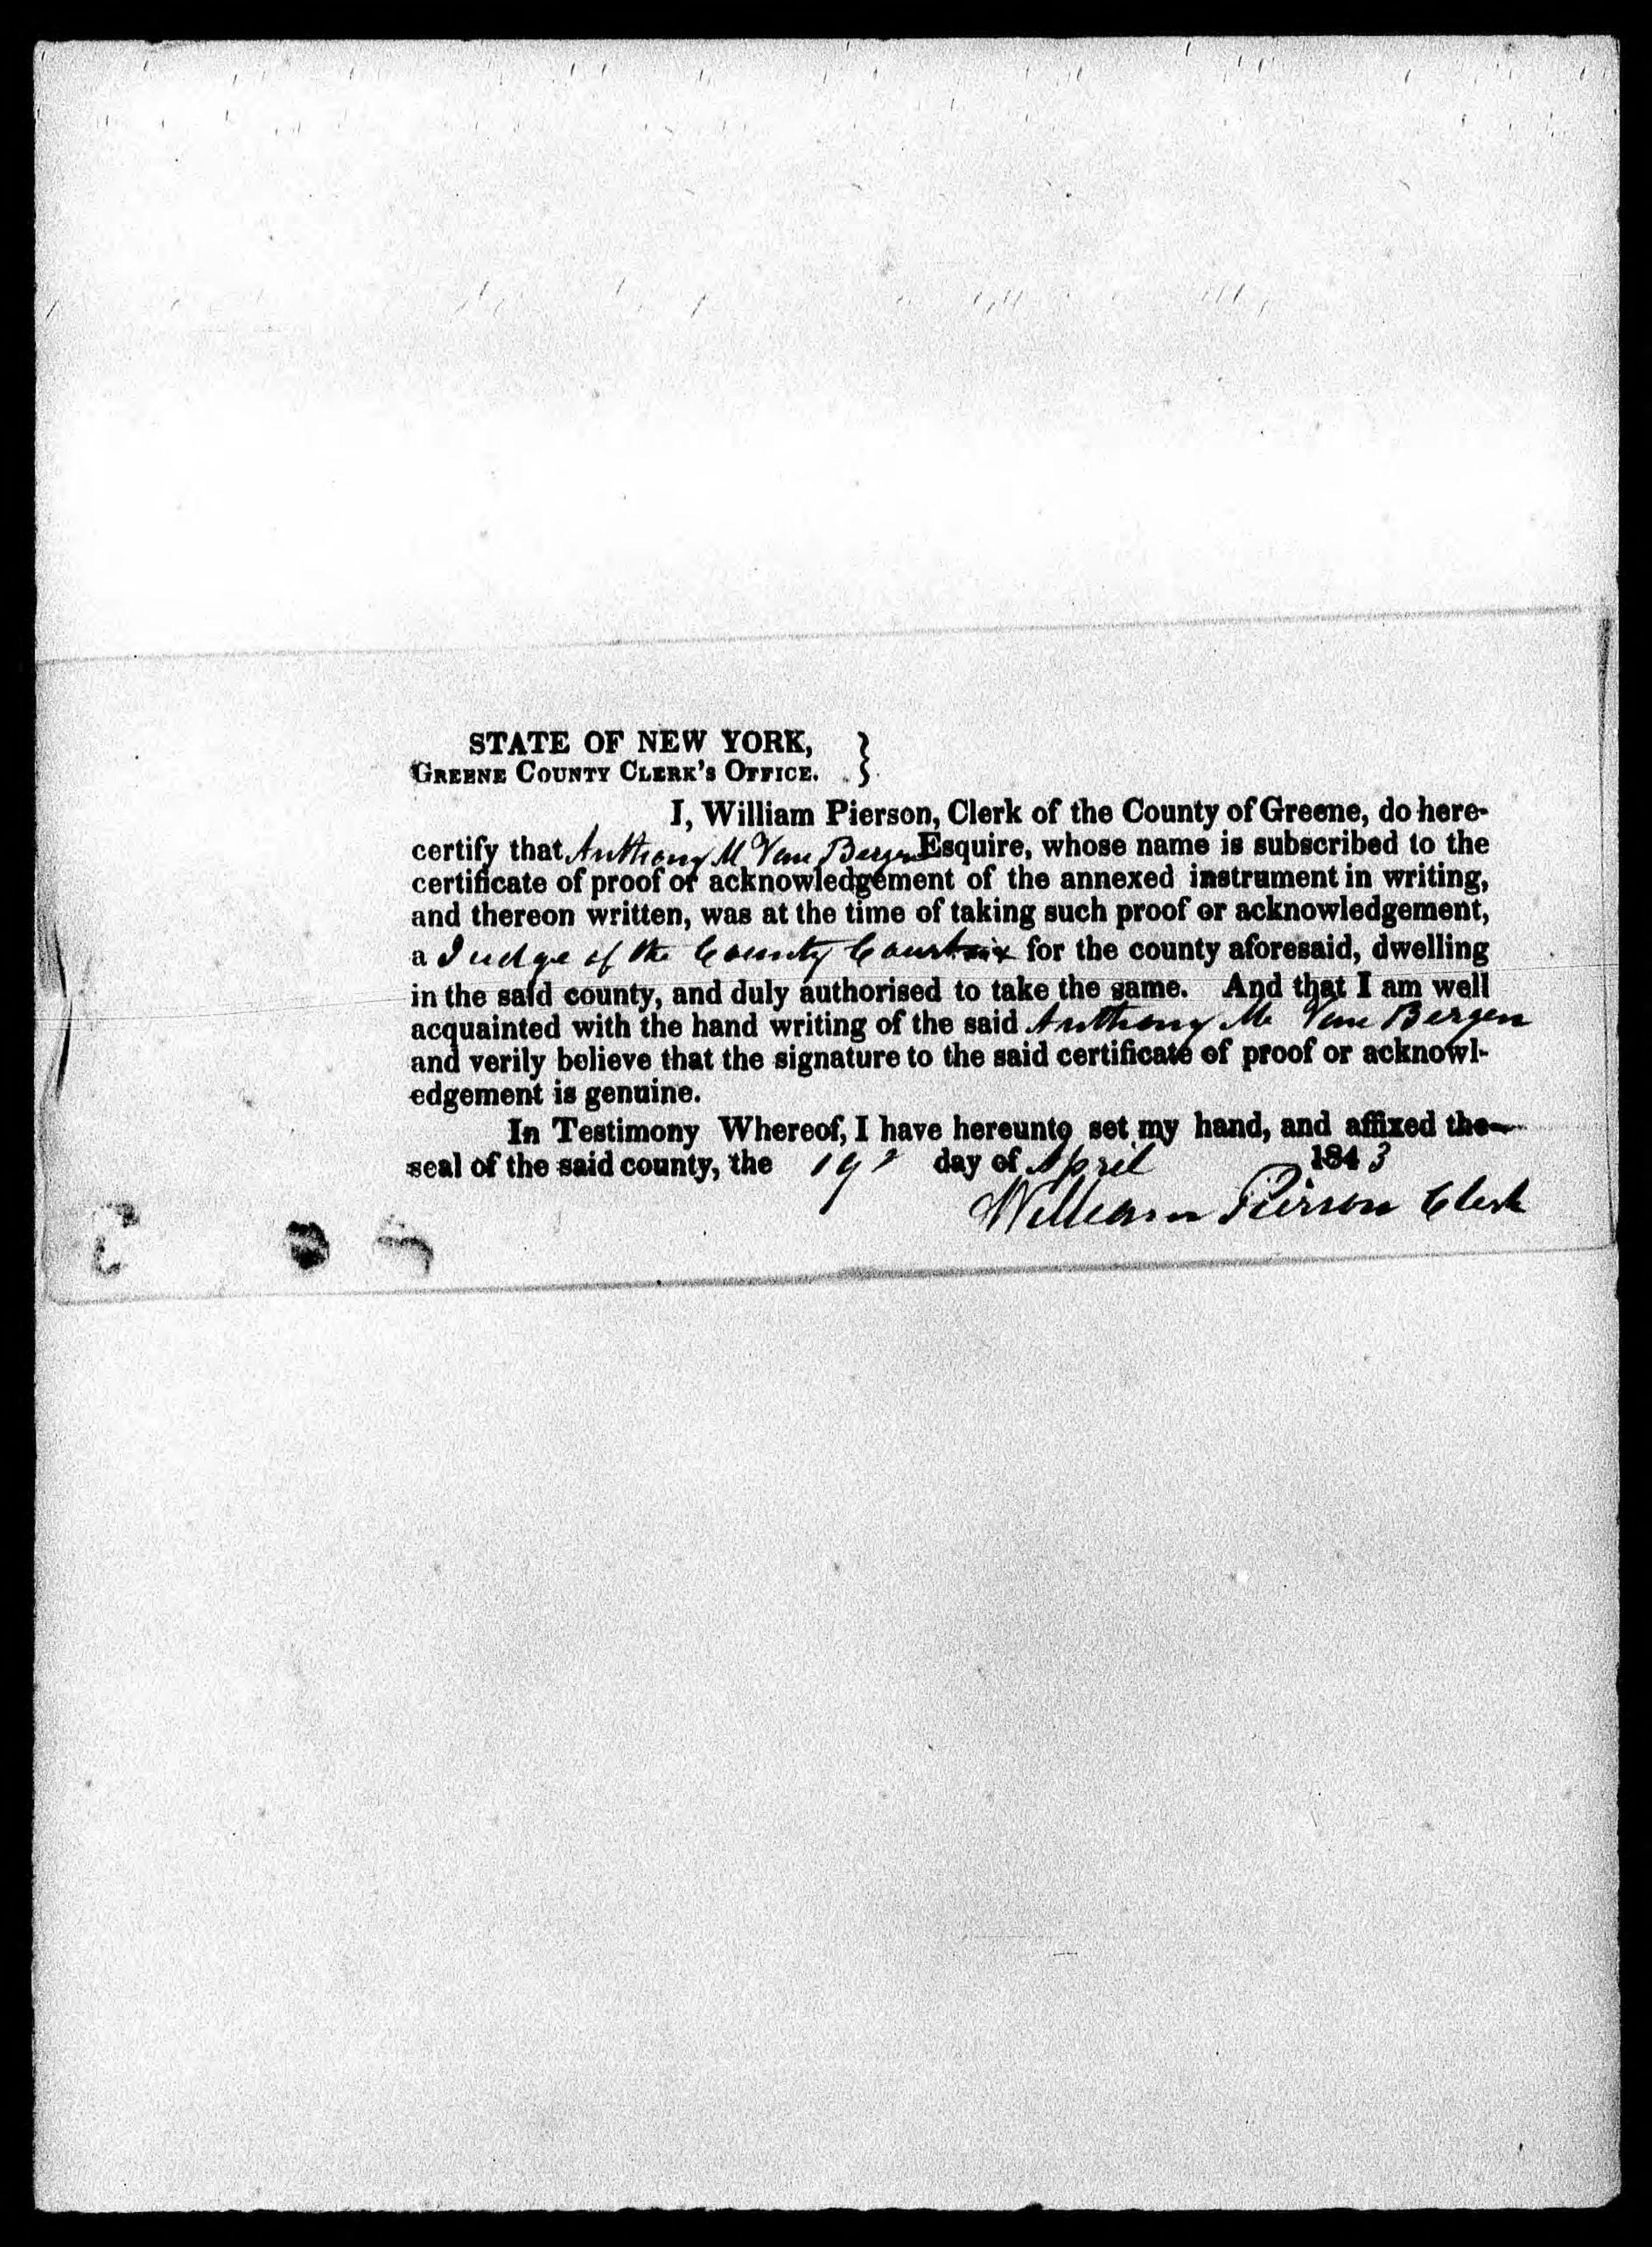State of New York,
Greene County Clerk's Office

I, William Pierson, Clerk of the County of Greene, do here-certify that Anthony M Van Bergen Esquire, whose name is subscribed to the certificate of proof or acknowledgment of the annexed instrument in writing, and thereon written, was at the time of taking such proof or acknowledgment, a judge of the County Court for the county aforesaid, dwelling in the said county, and duly authorised to take the same. And that I am well acquainted with the hand writing of the said Anthony M Van Bergen and verily believe that the signature to the said certificate of proof or acknowledgment is genuine. 
In testimony Whereof, I have hereunto set my hand, and affixed the seal of the said county, the 19th day of April 1843

William Pierson Clerk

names: William Pierson, Anthony M Van Bergen, William Pierson, Anthony M Van Bergen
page: 44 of 48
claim: widow's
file: W. 19788, Jacob W Hilton, New York